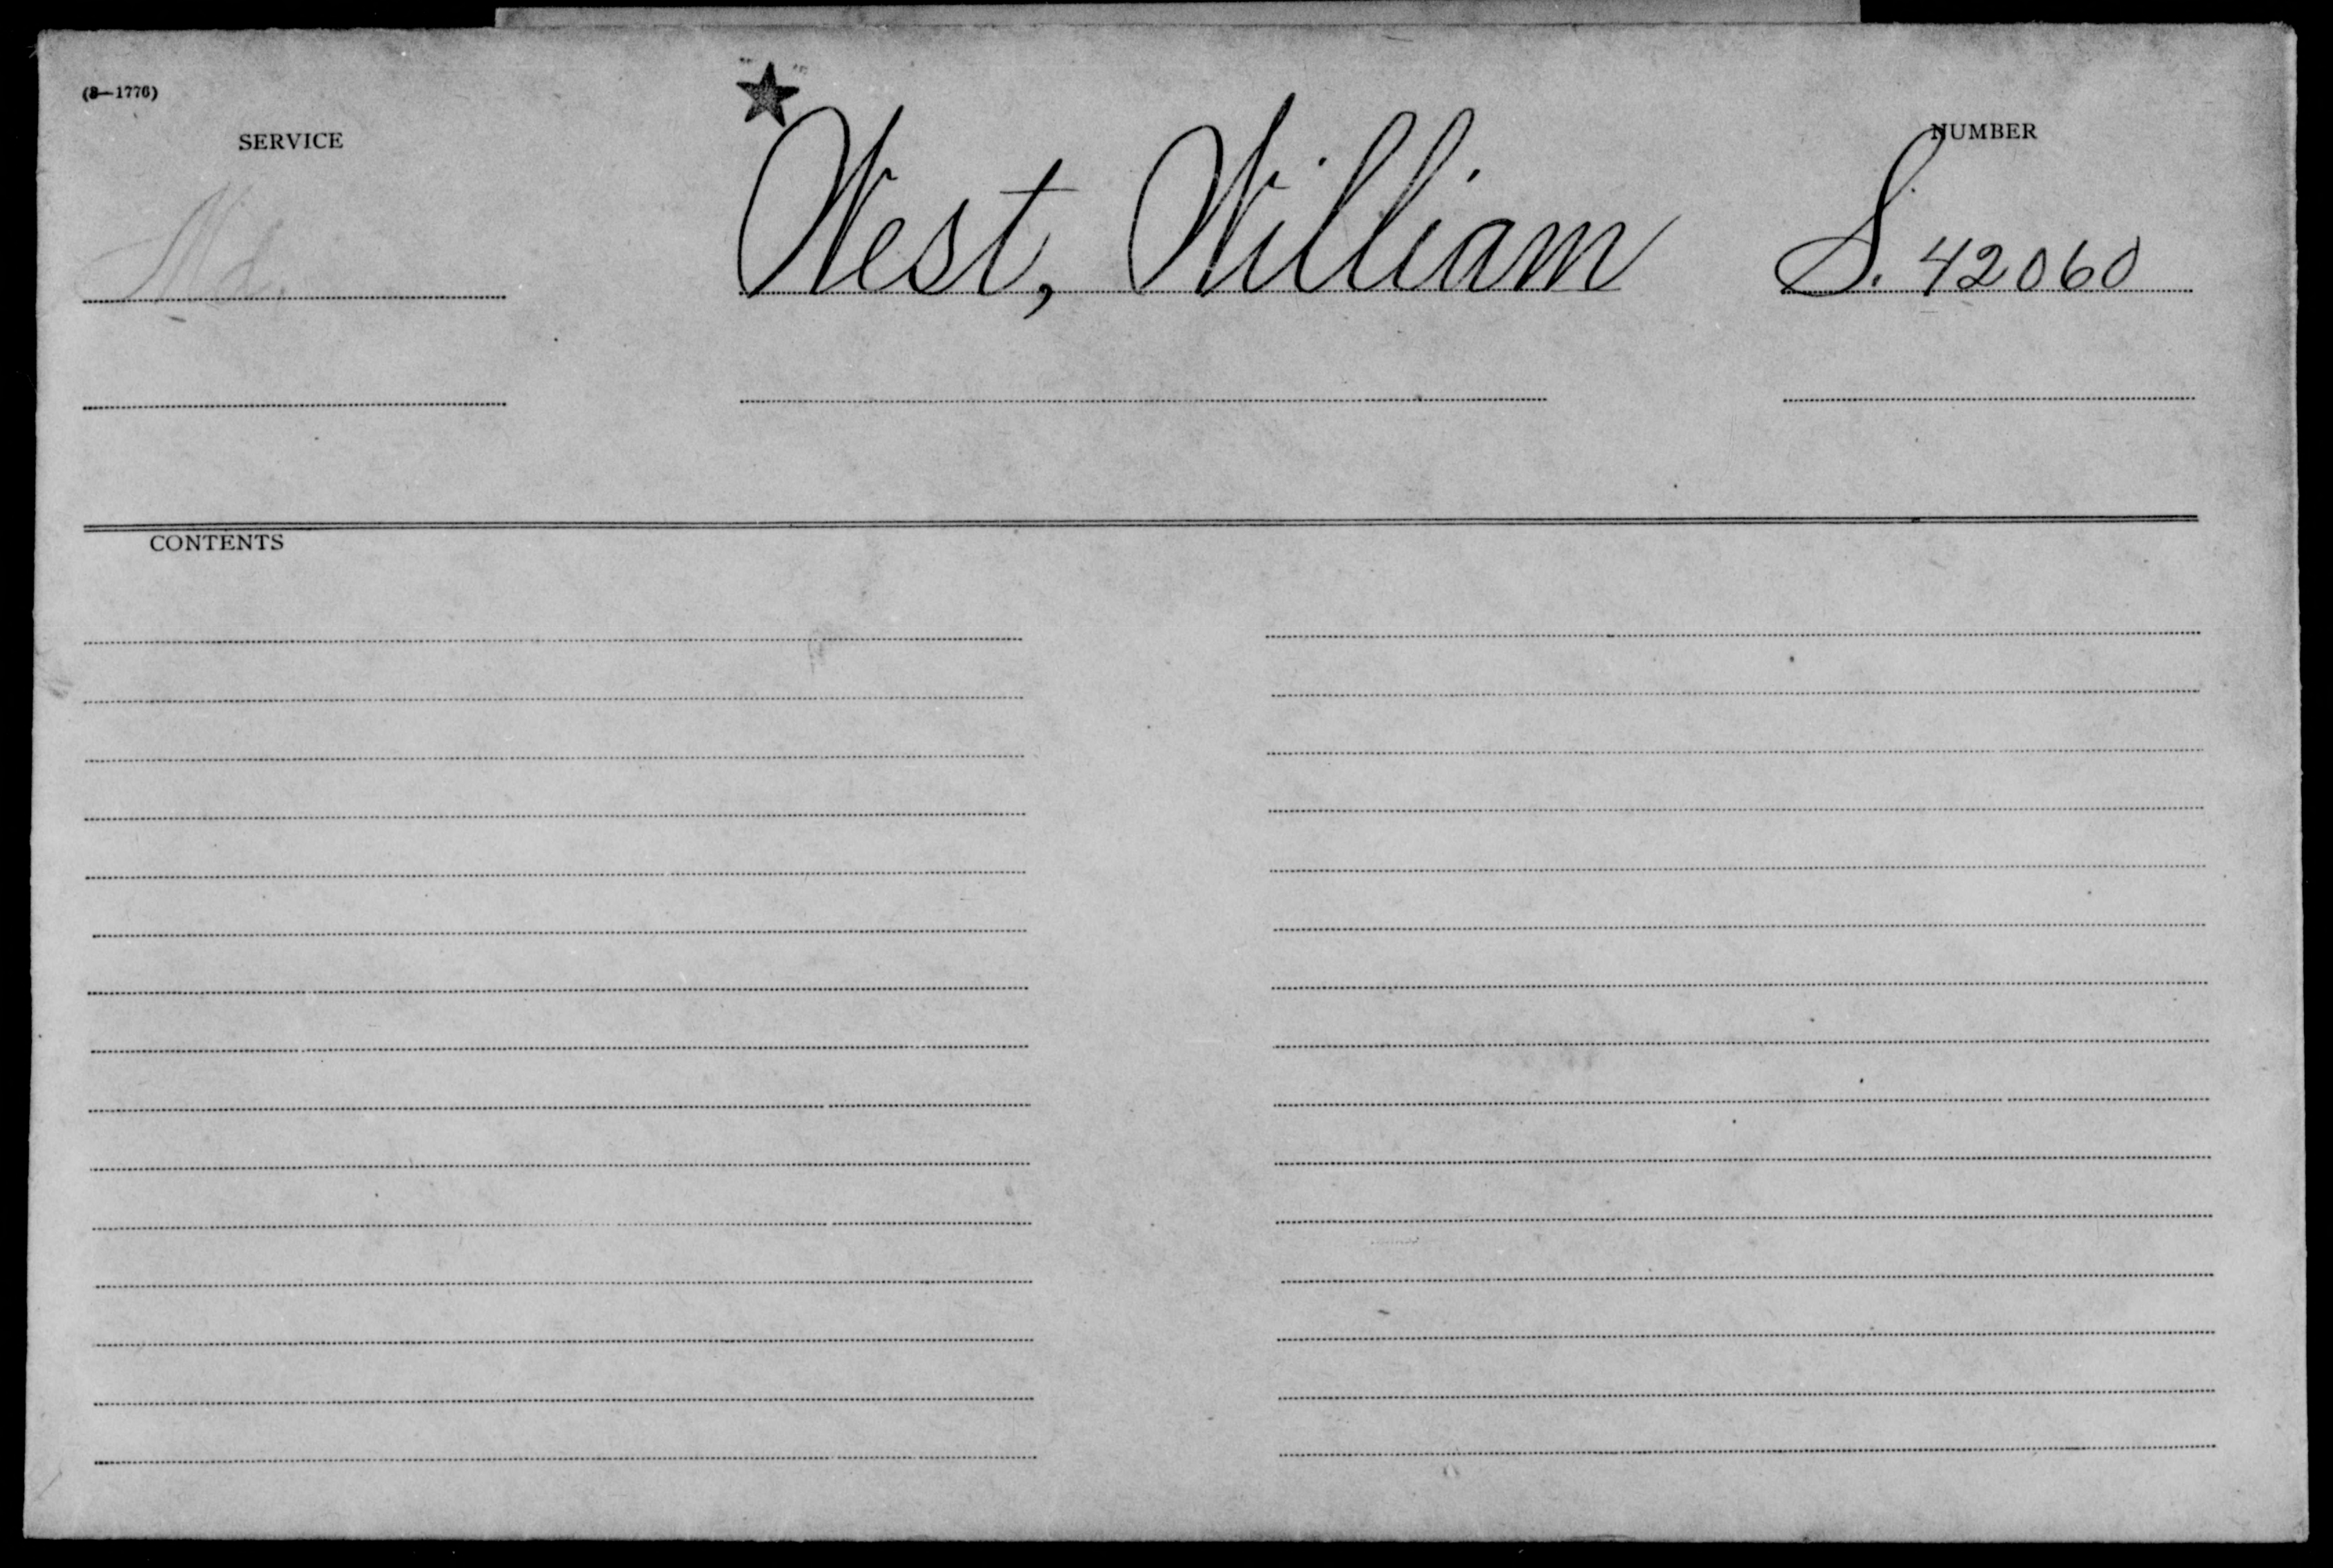(3-1776)
SERVICE NUMBER
Md. [stamp of a 6 pointed star, solid fill, next to surname] West, William S. 42060
CONTENTS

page: 1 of 12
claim: survivor's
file: S. 42060, William West, Md.